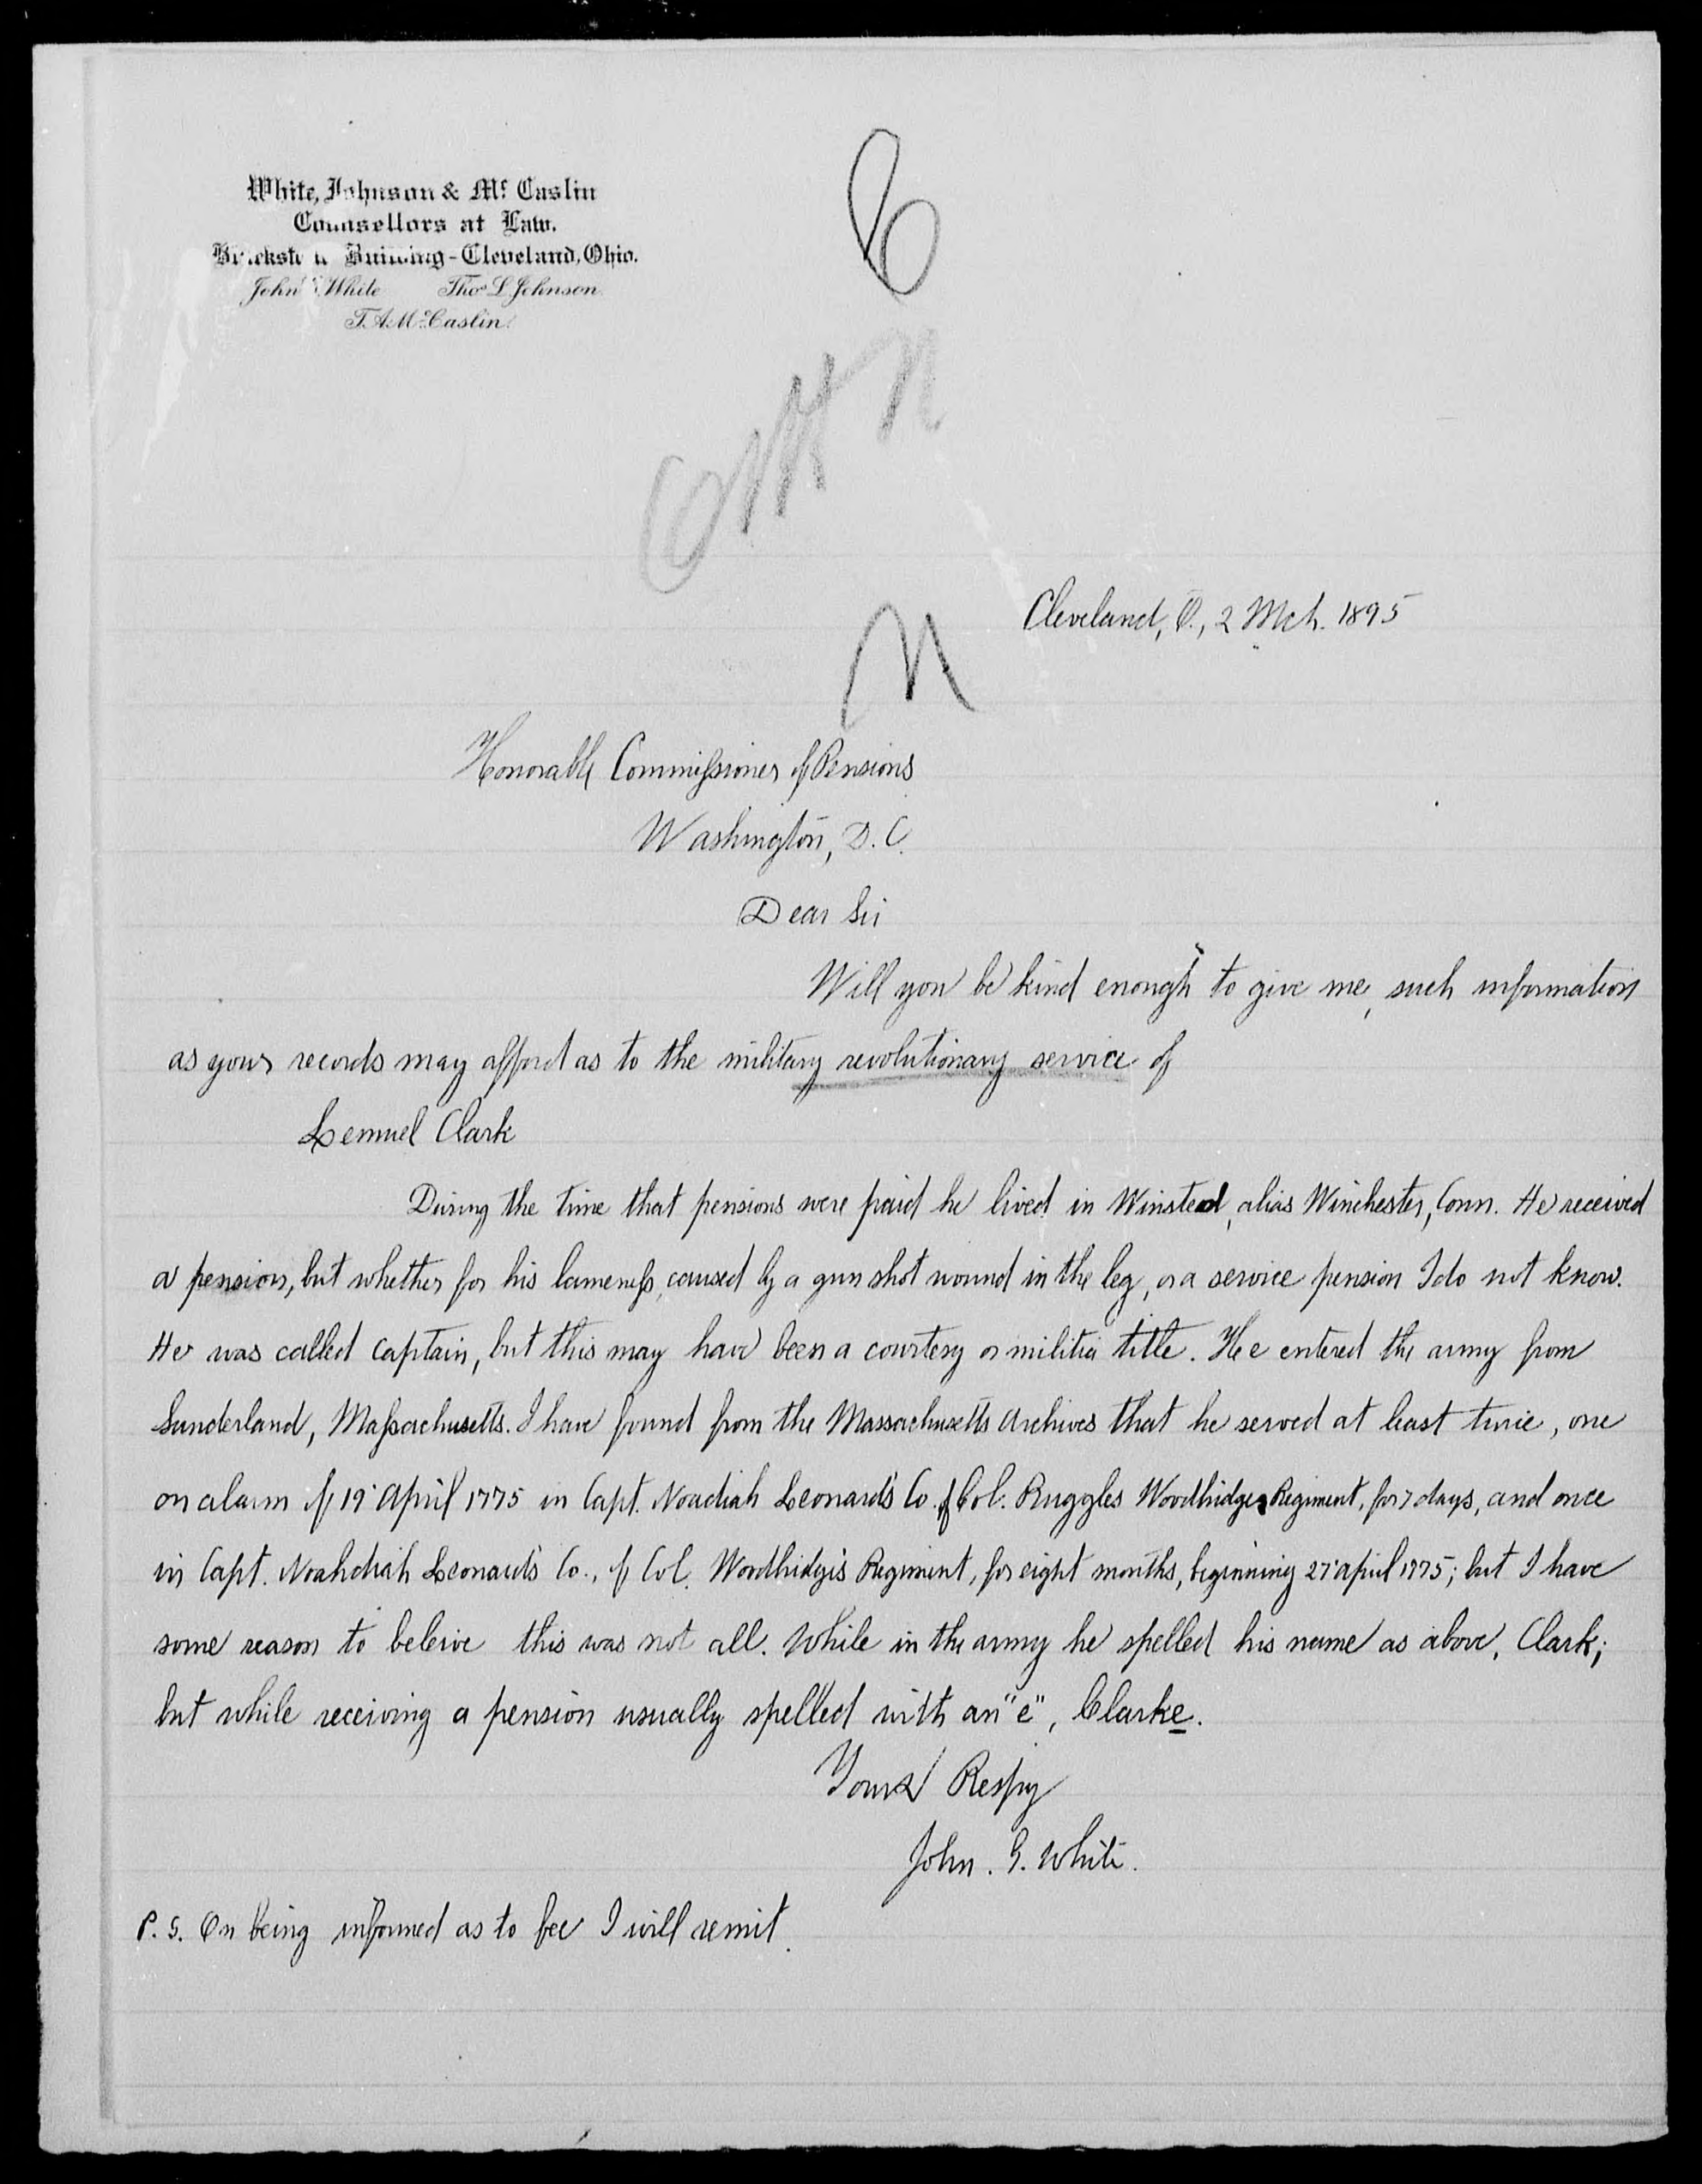White, Johnson & McCaslin Conselers at Law. Bricks Rating Cleveland, Ohio. 
John White Thos L. Johnson T. Castin 

Cleveland O, 2 Mch 1895

Dear Sir  Will you be kind enough to give me such information as your records may afford as to the military revolutionary service of Lemuel Clark 

During the time that pensions were paid he lived in Winstead, alias Winchester Conn.  He received a pension, but whether for his lameness, caused by a gun shot wound in the leg, or service pension I do not know.

He was called Captain, but this may have been a courtesy of military title. He entered the army from Sunderland, Massachusetts .  I have found from the Massachusetts archives that he served at least time, one on alarm of 19 April 1775 in Capt. Noadiah Leonard's Co & Col. Ruggles Woodridges Regiment, for 7 days, and one also, of Col. Woodbridges Regiment, for eight months, beginning 27 April 1775; but I have some reason to believe this was not all. While in the army he spelled his name as above, Clark, but while receiving ea pension usually spelled with an "e", Clarke.
 
Yours Respy  John G. White

P.S. On being informed as to fee I will remit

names: White, John G White, John G White, T A Mc Caslin, Johnson, Thos L Johnson, Mc Caslin, Clarke, Lemuel Clark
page: 24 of 48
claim: survivor's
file: S. 17343, Lemuel Clarke, Mass.